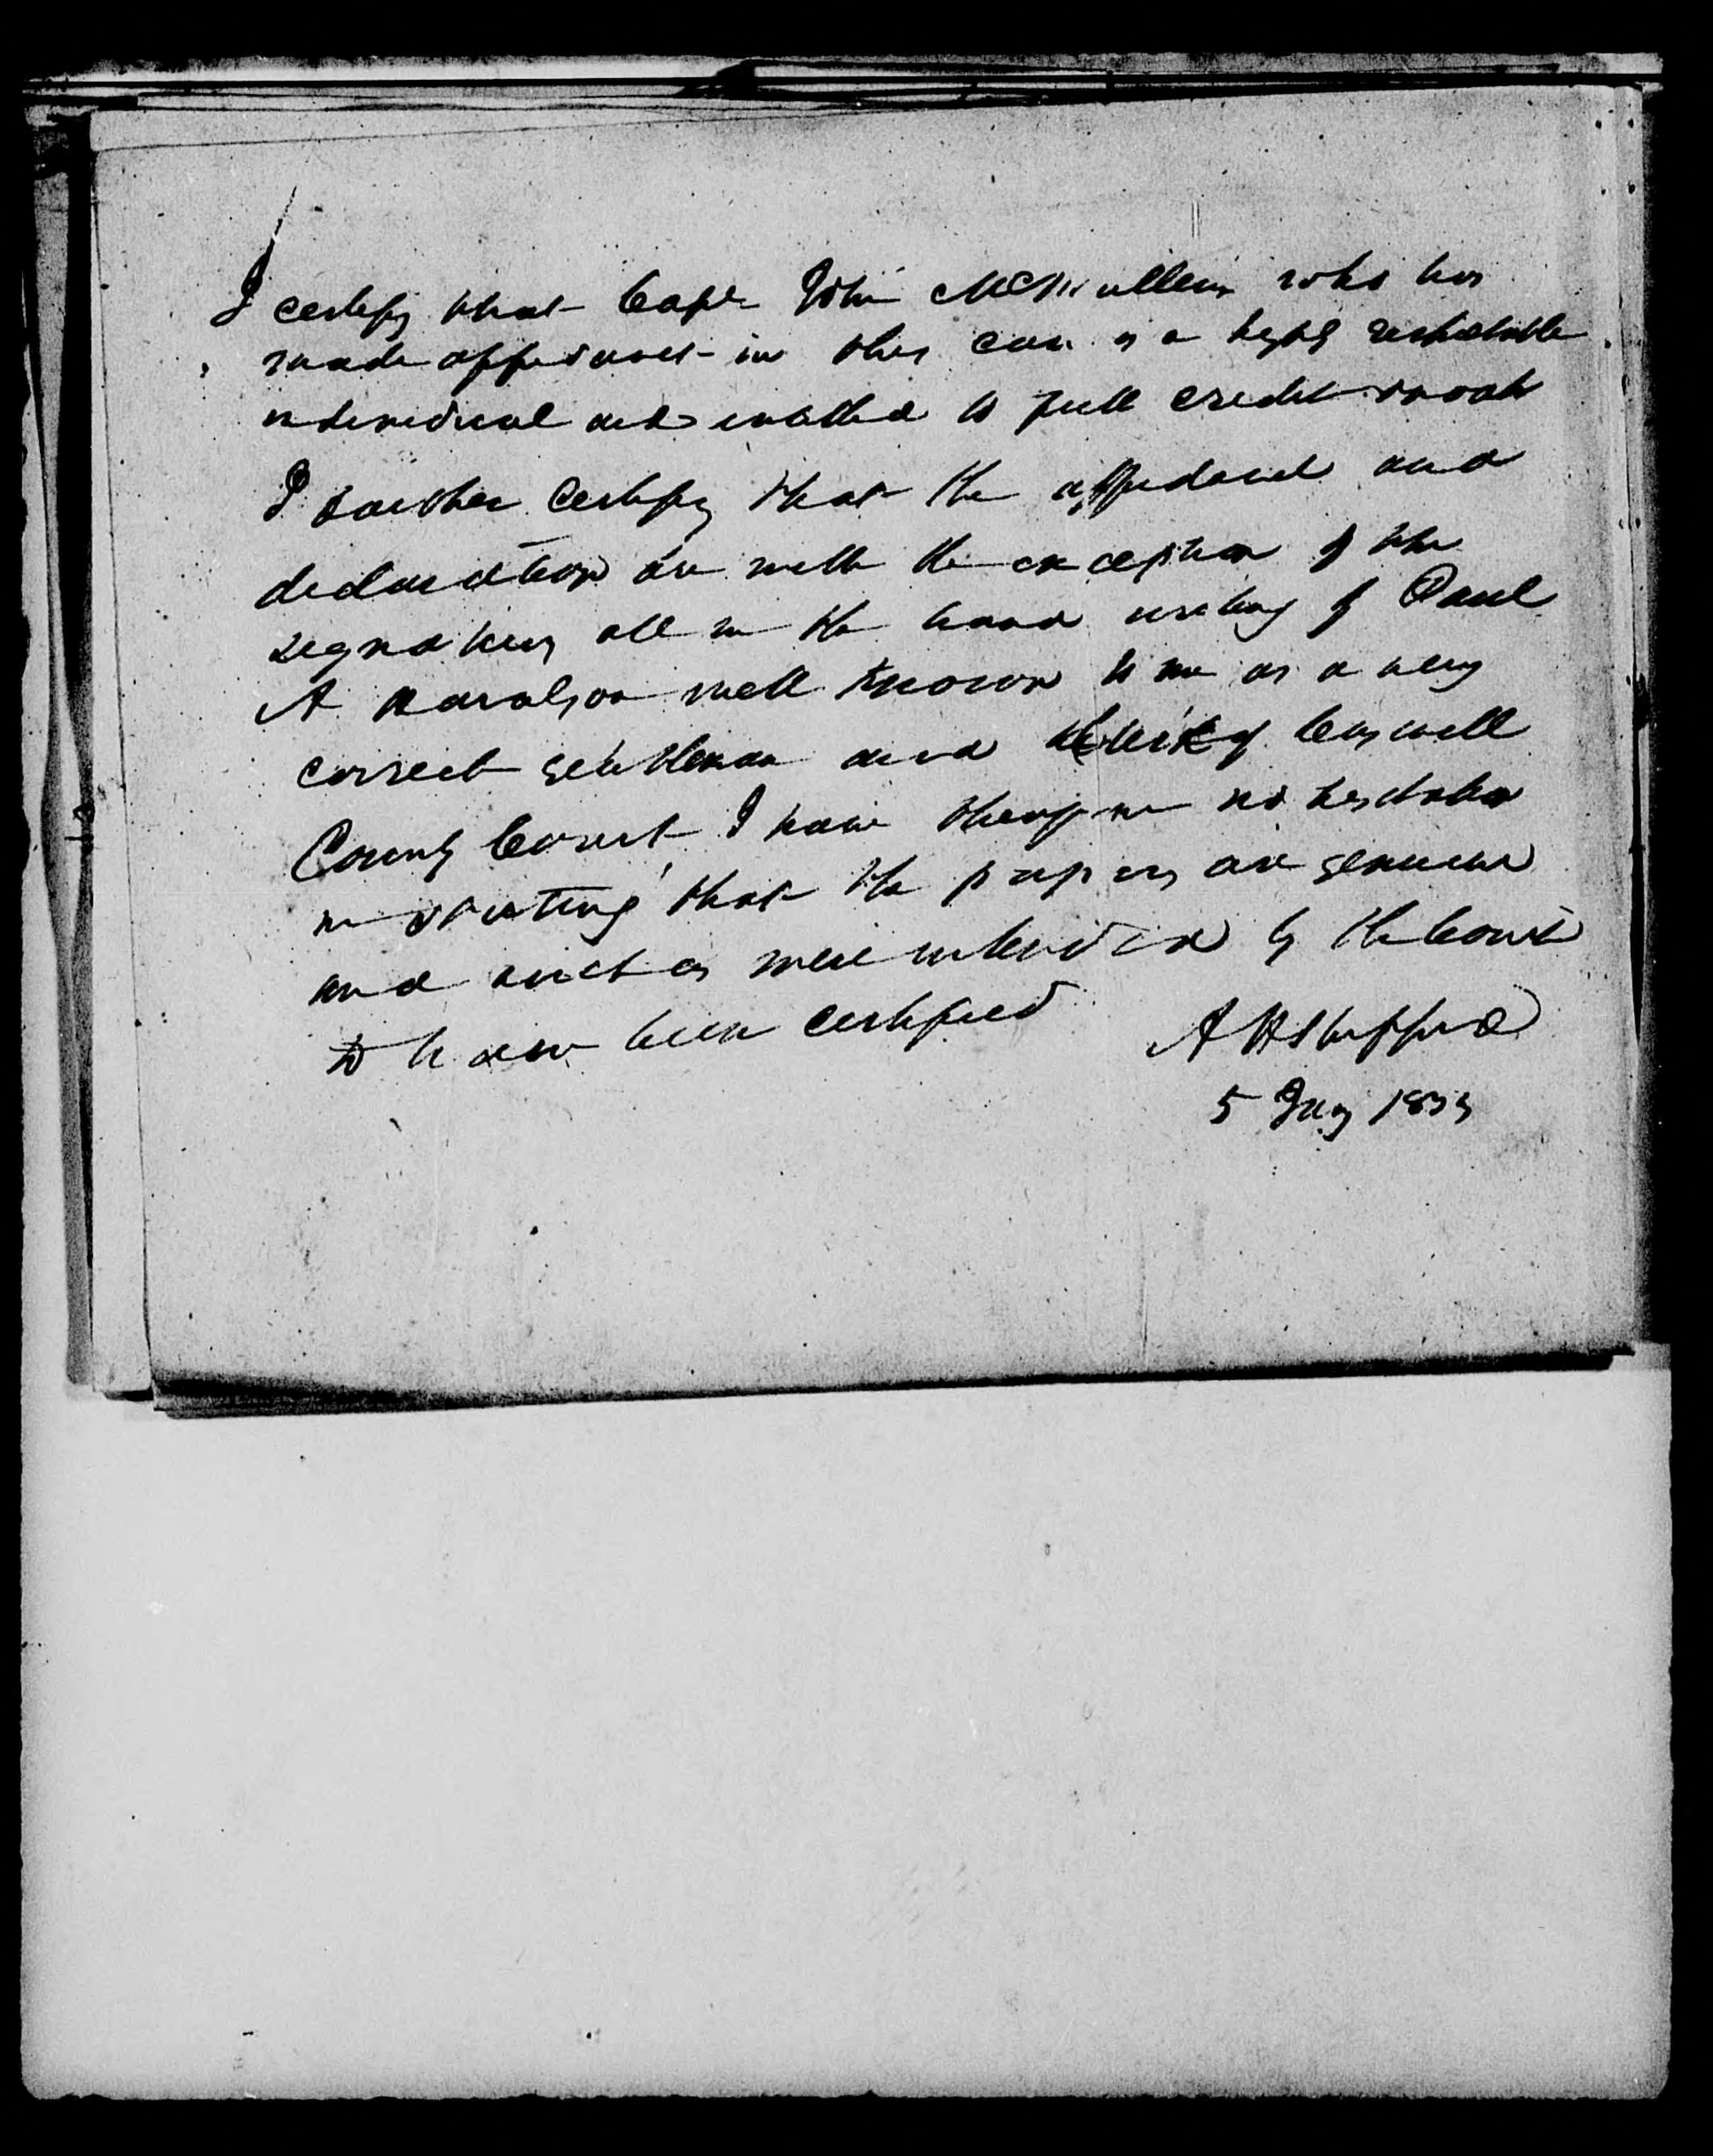I certify that Capt John McMullen who his
made appearance in this case is a [illegible]
individual and entitled to full credit [illegible]
I further certify that the affidavit and
declaration are with the exception of the
signatures all in the hand writing of Paul
A Haralson well known to me as a very correct subscriber and clerk of Caswell County Court I have therefore no doubt in stating that the papers are genuine and such as were entered in by [illegible] to have been certified

A H Shepperd
5 May 1833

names: Paul A Haralson, A H Shepperd, John Mc Mullin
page: 14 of 29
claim: survivor's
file: S. 6830, Elisha Evans, N.C.